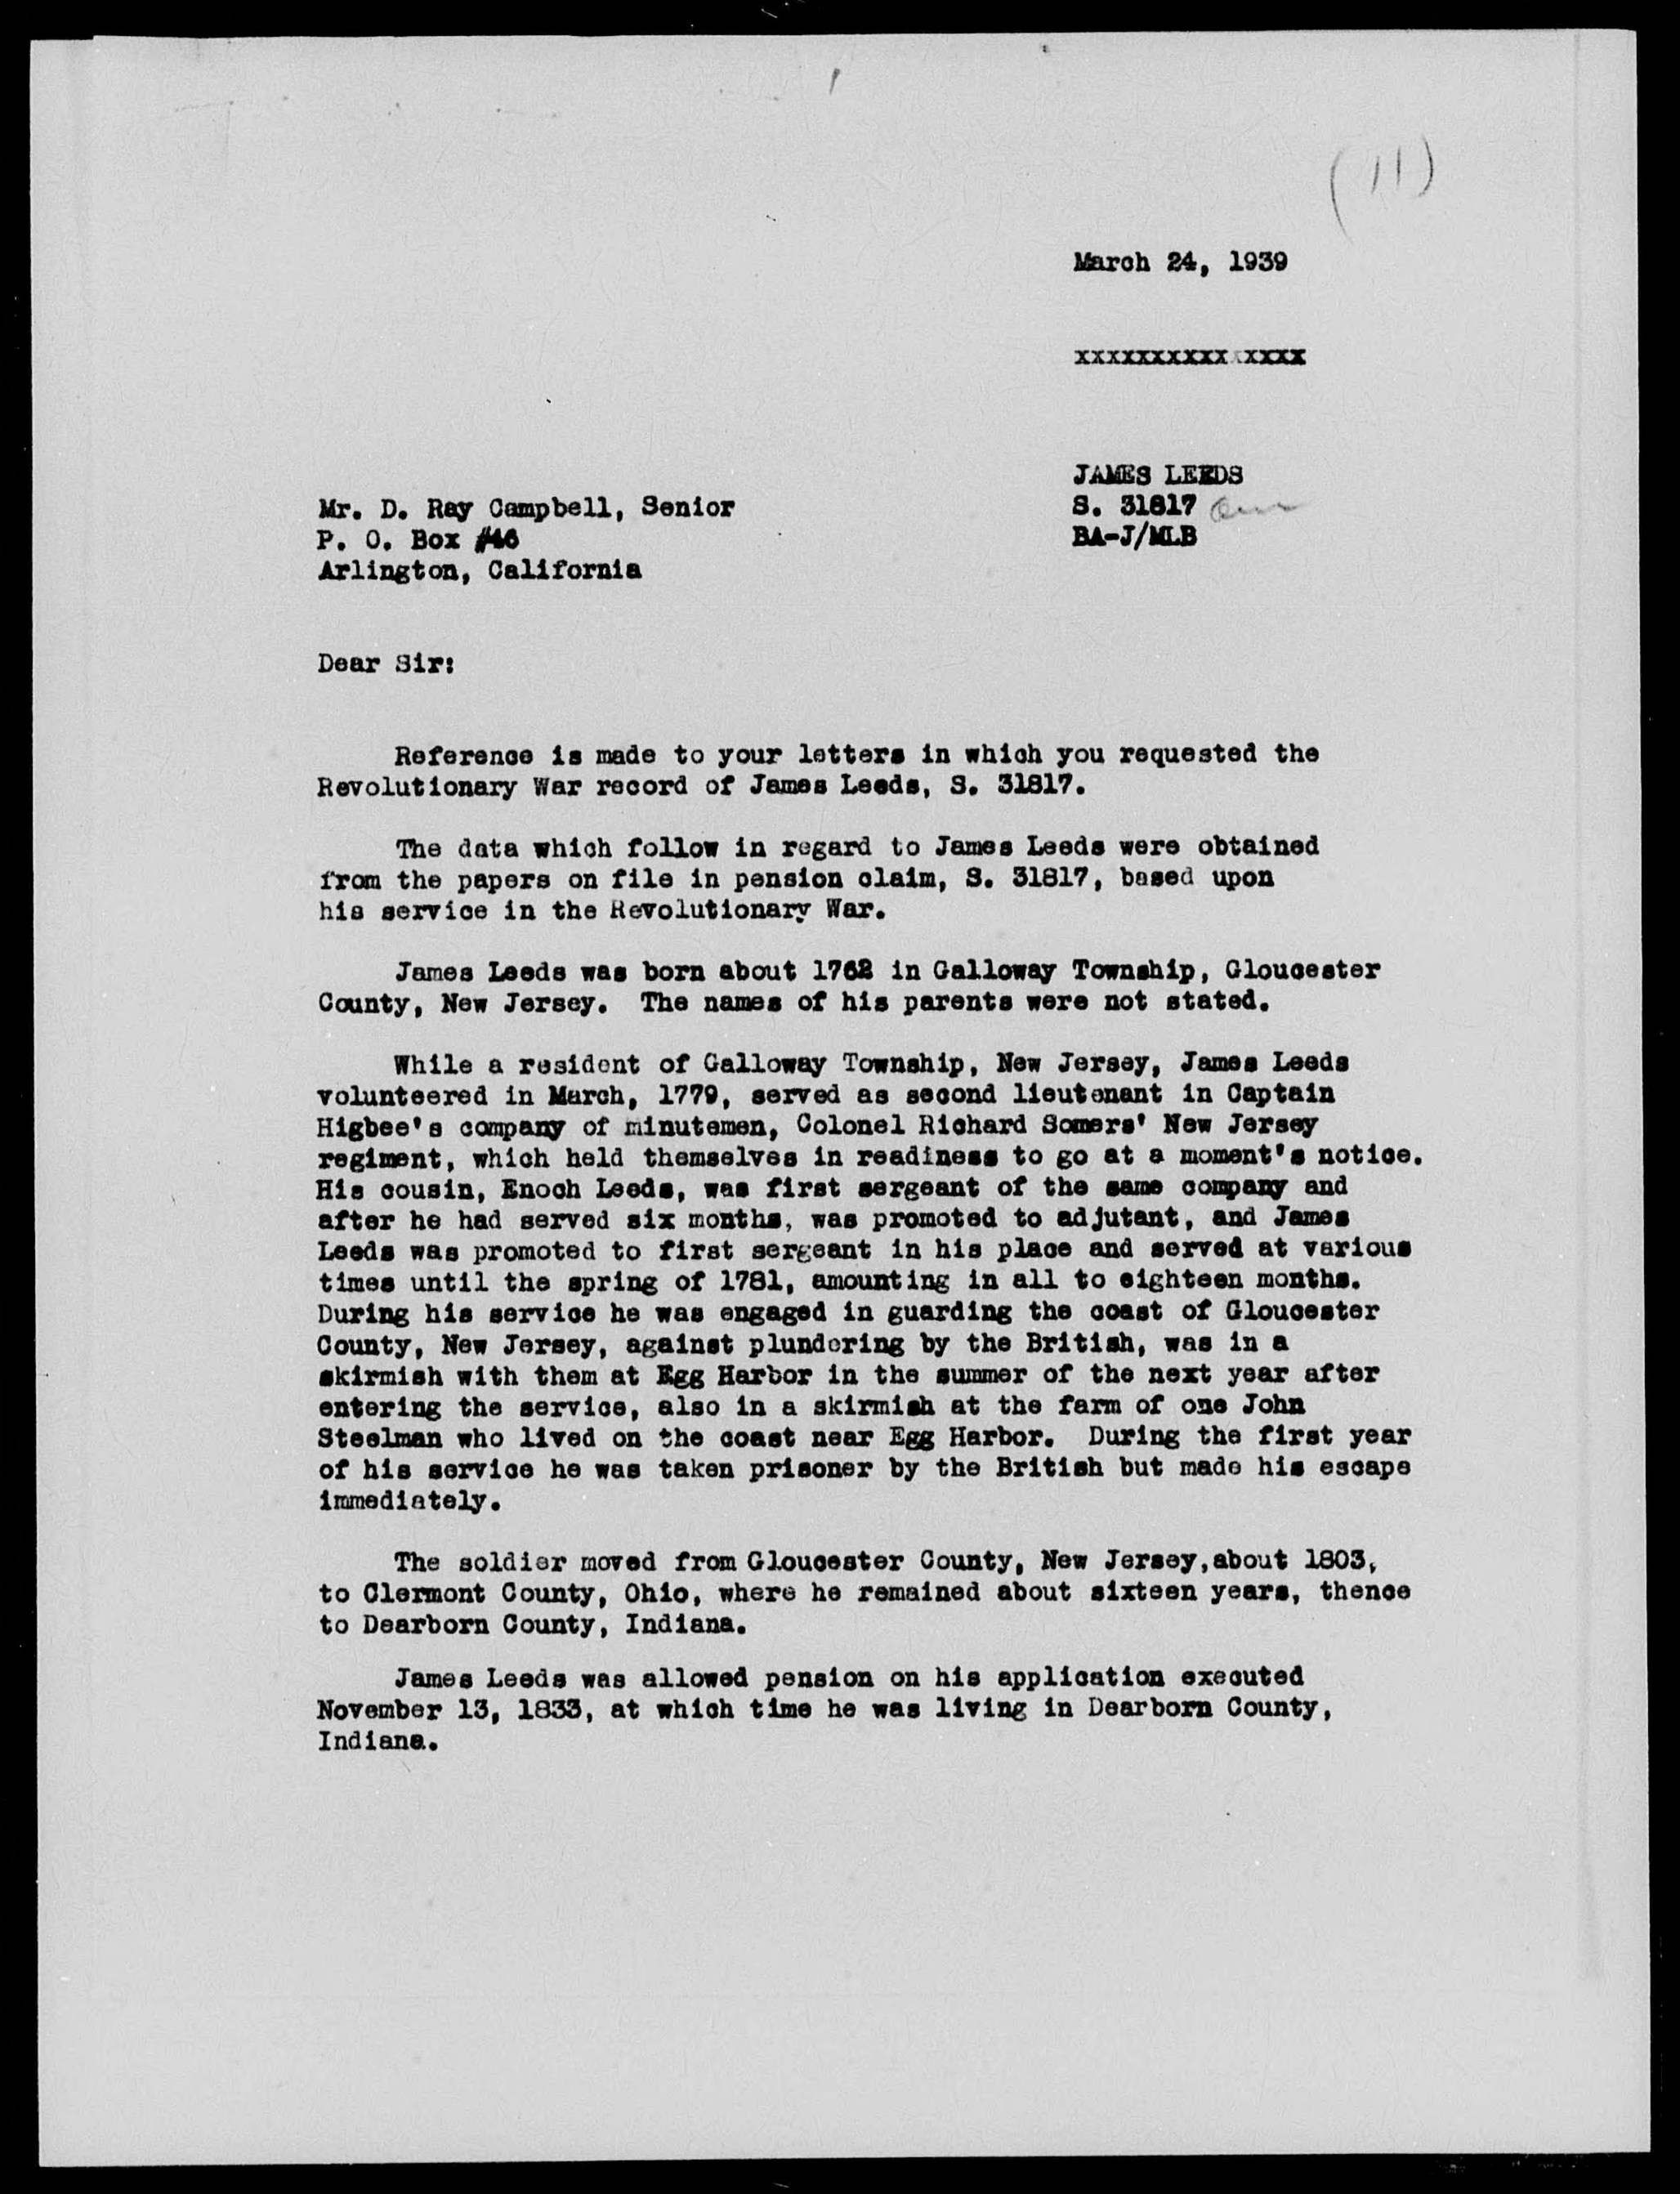[Top right page]  (11)

March 24, 1939

xxxxxxxxxxxxxxxxxxxx

JAMES LEEDS
S. 31817
BA-J/MLB

Mr. D. Ray Campbell, Senior
P.O. Box #46
Arlington, California

Dear Sir:

Reference is made to your letters in which you requested the Revolutionary War record of James Leeds, S. 31817, based upon his service in the Revolutionary War.

James Leeds was born about 1762 in Galloway Township, Gloucester County, New Jersey. The names of his parents were not stated.

While a resident of Galloway Township, New Jersey, James Leeds volunteered in March, 1779, served as second lieutenant in Captain Higbee's company of minutemen, Colonel Richard Somers' New Jersey regiment, which held themselves in readiness to go at a moment's notice. His cousin, Enoch Leeds, was first sergeant of the same company and after he had served six months, was promoted to adjutant, and James Leeds was promoted to first sergeant in his place and served at various times until the spring of 1781, amounting in all to eighteen months. During his service he was engaged in guarding the coast of Gloucester County, New Jersey, against plundering by the British, was in a skirmish with them at Egg Harbor in the summer of the next year after entering the service, also in a skirmish at the farm of one John Steelman who lived on the coast near Egg Harbor. During the first year of his service he was taken prisoner by the British but made his escape immediately.

The soldier moved from Gloucester County, New Jersey, about 1803, to Clermont County, Ohio, where he remained about sixteen years, thence to Dearborn County, Indiana.

James Leeds was allowed pension on his application executed November 13, 1833, at which time he was living in Dearborn County, Indiana.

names: James Leeds; Enoch Leeds; John Steelman; D Ray Campbell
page: 14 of 38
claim: survivor's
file: S 31817, for James Leeds, New Jersey